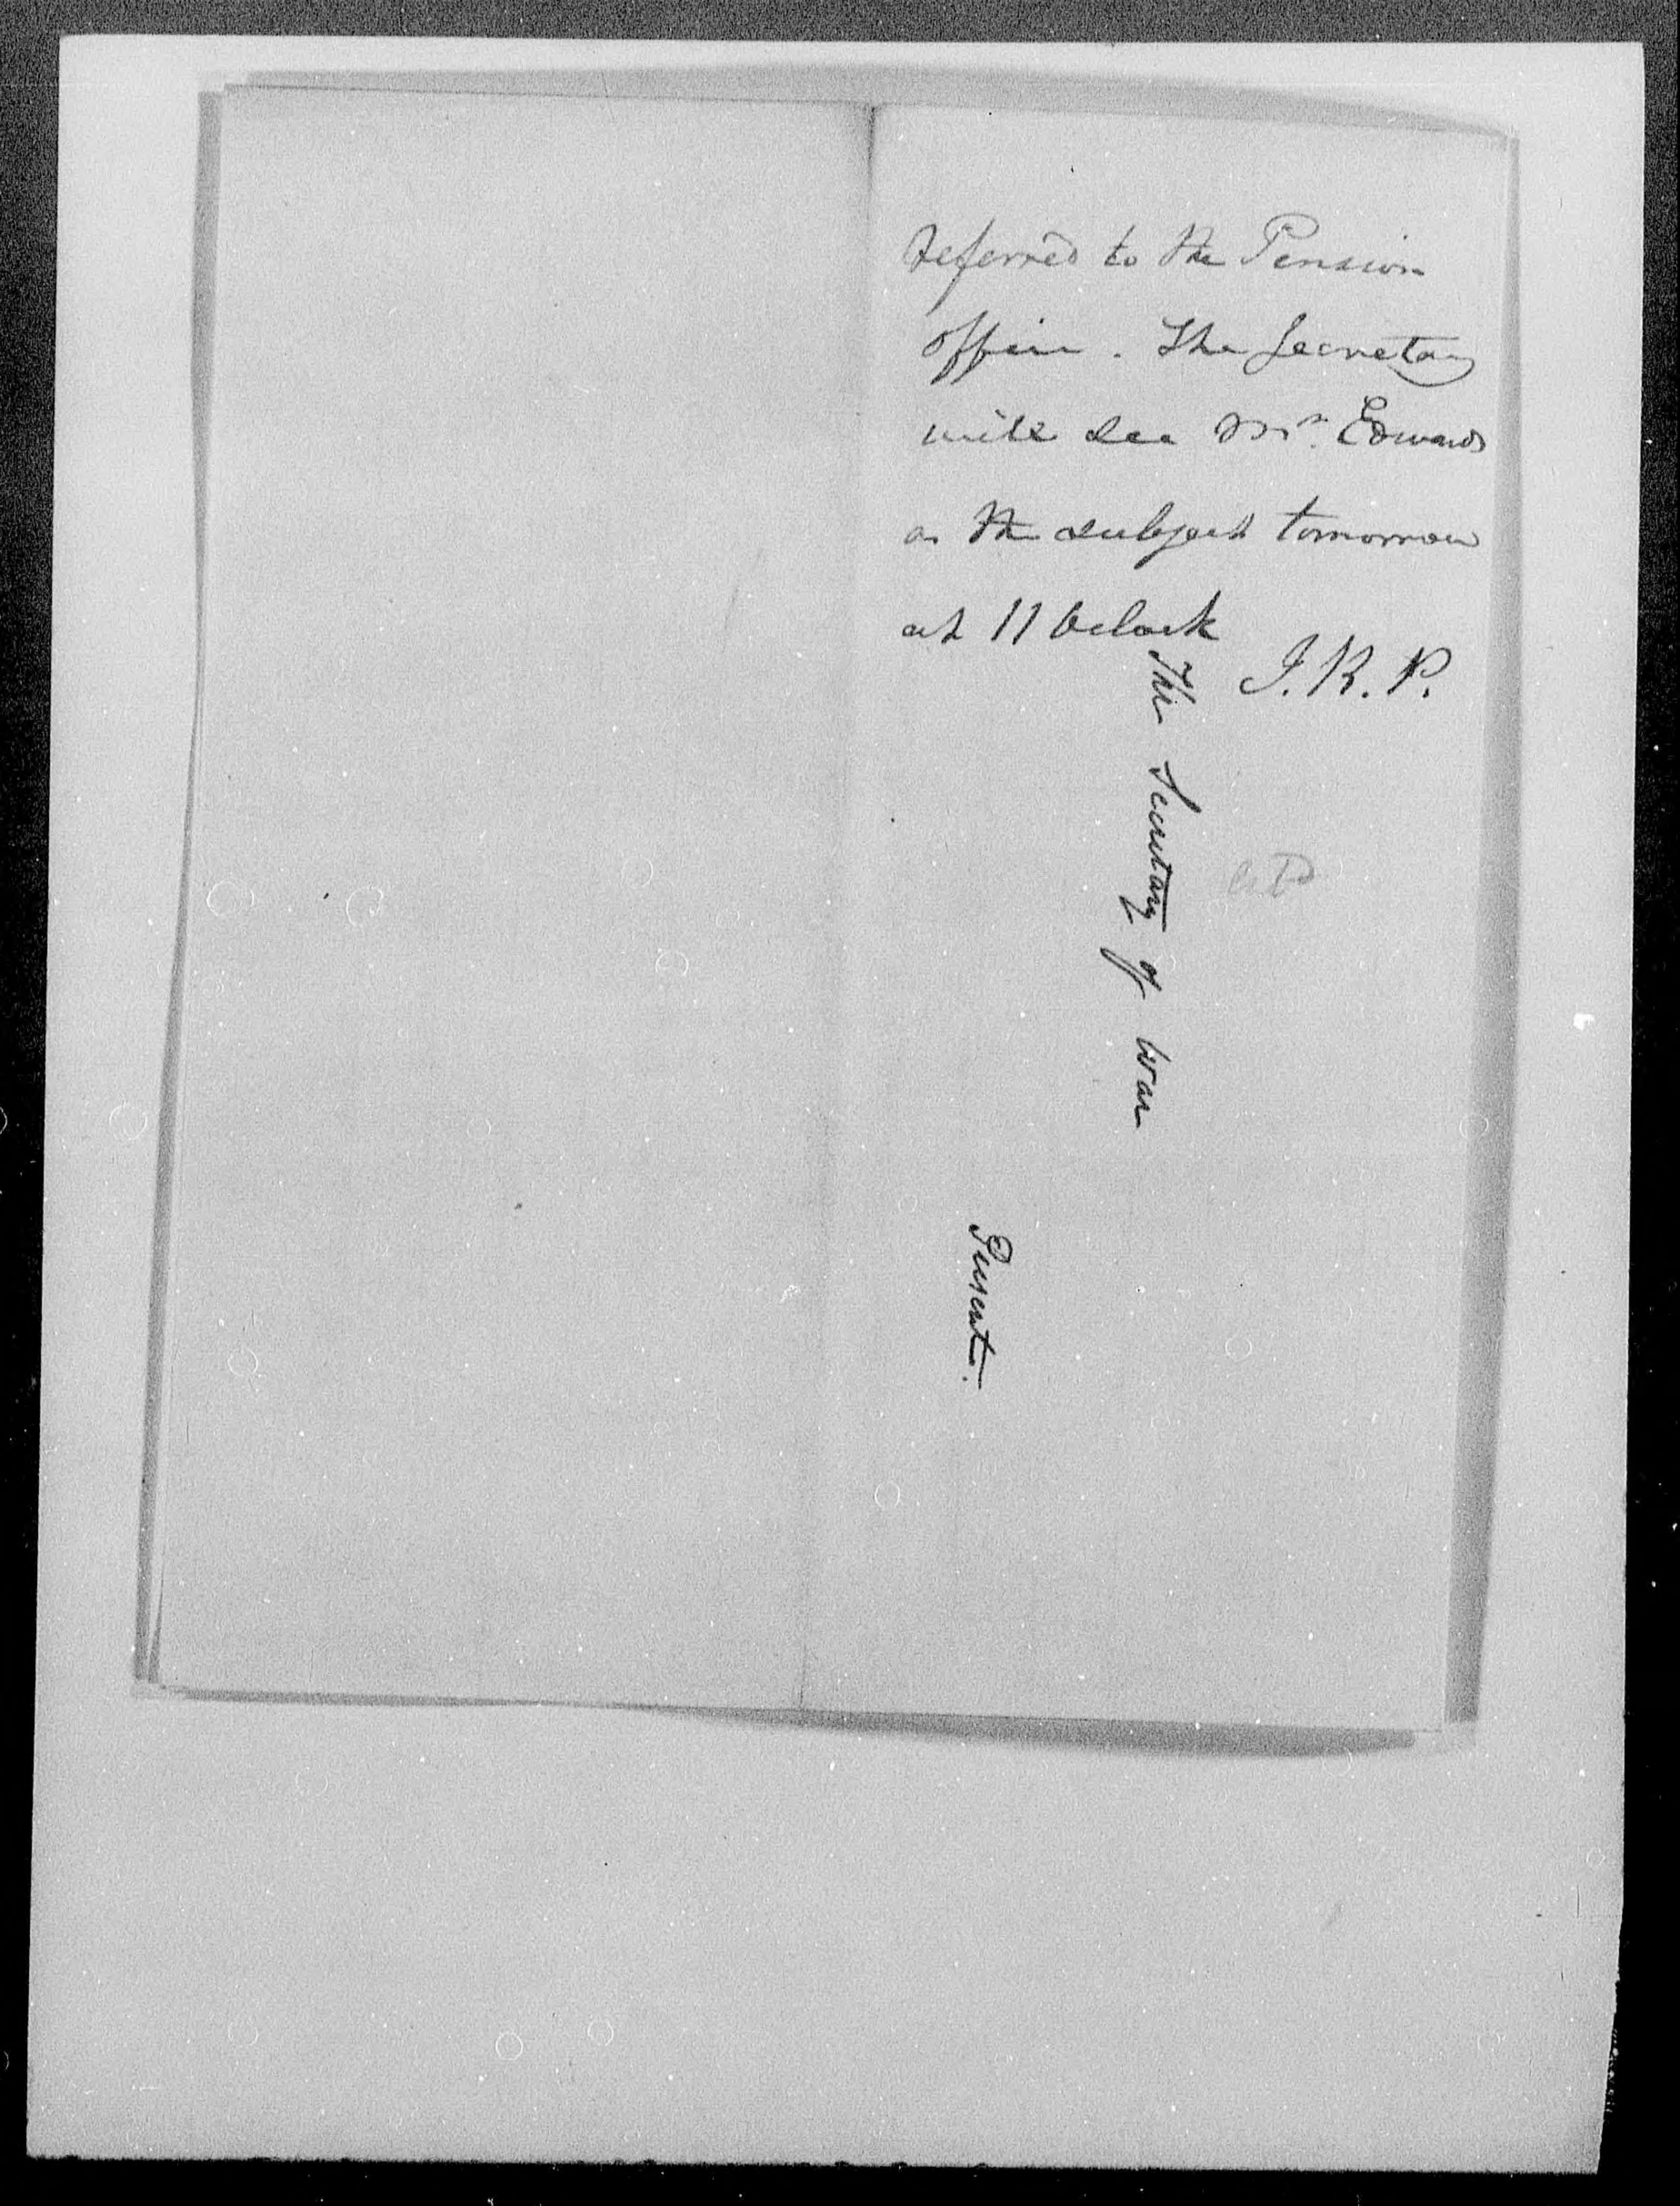Deferred to the Pension officer.  The Secretary will see Mrs. Edwards on the subject tomorrow at 11 oclock.

J.R.P.

The Secretary of War

Present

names: Edwards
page: 25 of 38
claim: widow's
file: W. 6644, Jacob Casterline, New Jersey